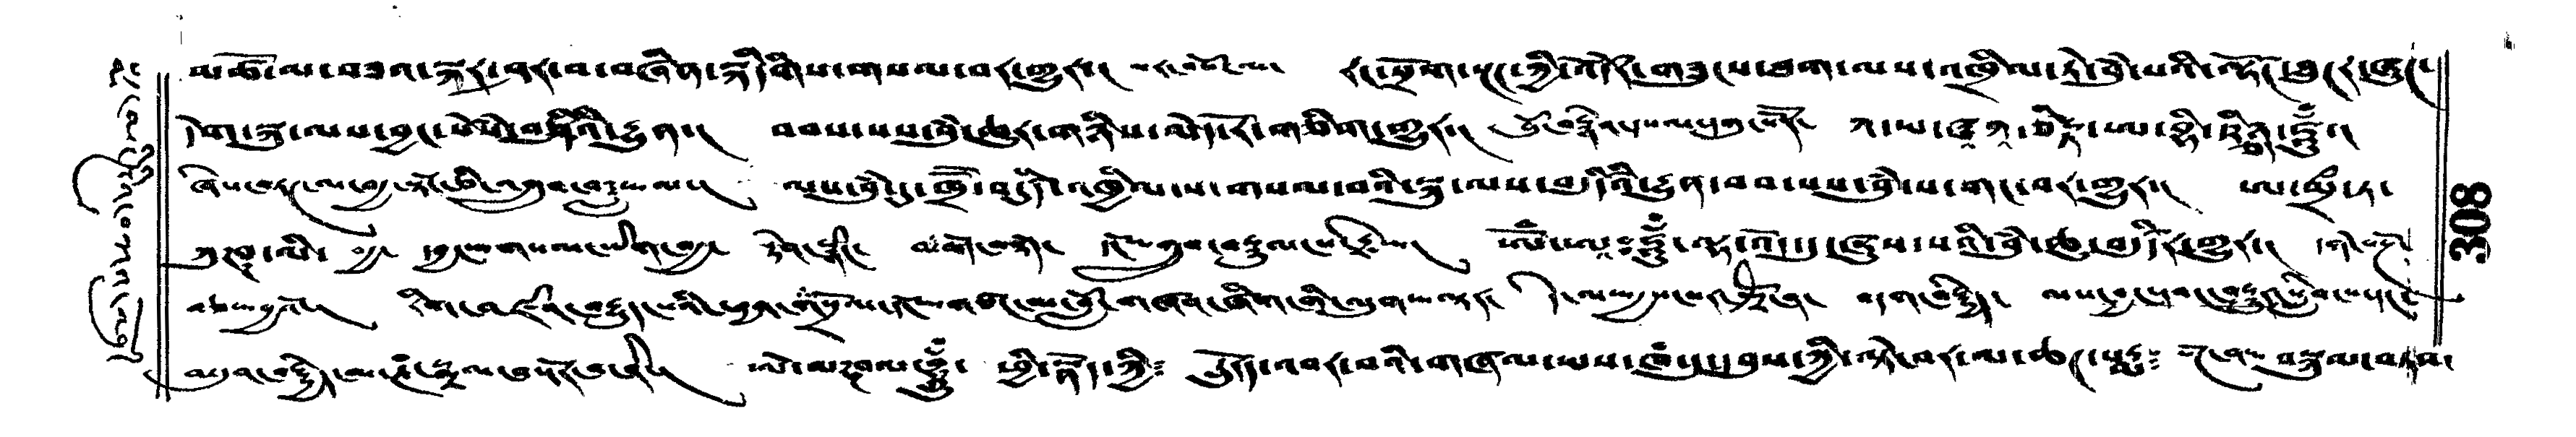མཚོ་ལ་བཟའ་སྐུར་ཤར་བ་བཞིན་སྐད་ཅིག་གིས་གསལ་བར་གྱུར། བར་བསམ། རང་སྲོག་སྔགས་ཀྱི་འོད་ཟེར་གཟུངས་ཐག་ལ་འཁྲིལ་ཏེ་བུམ་པའི་ལྷ་ཚོགས་ཐུགས་ཀར་ཞུགས། 
དེ་དག་གི་སྐུ་ལས་བྱང་སེམས་བདུད་རྩིའི་རྒྱུན་བབས་པས་བུམ་ཆུ་དང་གཉིས་མེད་རོ་གཅིག་གྱུར། བུམ་བསྙེན་དཔལ་དགུ་སོ་སོར། ཀ་ཡ་ཝཱ་ཀཱ་ཙིཏྟ་ཨ་བྷི་རིཉྩ་ཧཱུྃ། 
ཞེས་བཏགས་པ་བརྒྱ་སྟོང་ཅི་འགྲུབ་བཟླས་ལ། ལས་བུམ་དུ་ཁྲོ་བོ་བདུད་རྩི་འཁྱིལ་པ་གསལ་བའི་སྐུ་ལས་བདུད་རྩིའི་རྒྱུན་བབས་པས་བུམ་པ་གང་བར་གྱུར། ཨ་མྲྀ་ཏ་
ཀུཎྜ་ལི༴ བརྒྱ། དབྱངས་གསལ་ཡིག་བརྒྱ། རྟེན་སྙིང་། མཆོད་བསྟོད། དངོས་གྲུབ་བསྐུལ་པ་རྗེས། ཨོཾ་ཨཱཿཧཱུྃ་ལྷ་འོད་དུ་ཞུ་པའི་བུམ་ཆུ་བདུད་རྩིར་གྱུར། དགེ་བསྔོ་
བཅས་བྱའོ། རིག་འཛིན་བརྒྱུད་པའི་ཕྱག་སྲོལ་དངོས་གཙང་མ་བླམ་གཞན་ཞིག་གི་ལུགས་ལྟར། དེ་ལས་རྒྱས་པར་སྤྲོ་ན། བདག་བསྐྱེད། ལས་བྱང་དབང་བསྐུར་སླེབ་པ་དང་།
མདུན་བསྐྱེད་མ་ཊཾ་བསྒྲལ་བ་ནི། ཨེ་མཎྜལ་བྷྲུྃ། ཕྱི་སྣོད་ཀྱི༴ དུར་ཁྲོད་འབར་བའི་གཞལ་ཡས་ཁང་དུ་དབུས་ཀྱི་ལྟེ་བར་མ་ཆགས་པདྨ༴ སོགས་ནས། བསྐུལ་བཏབ།